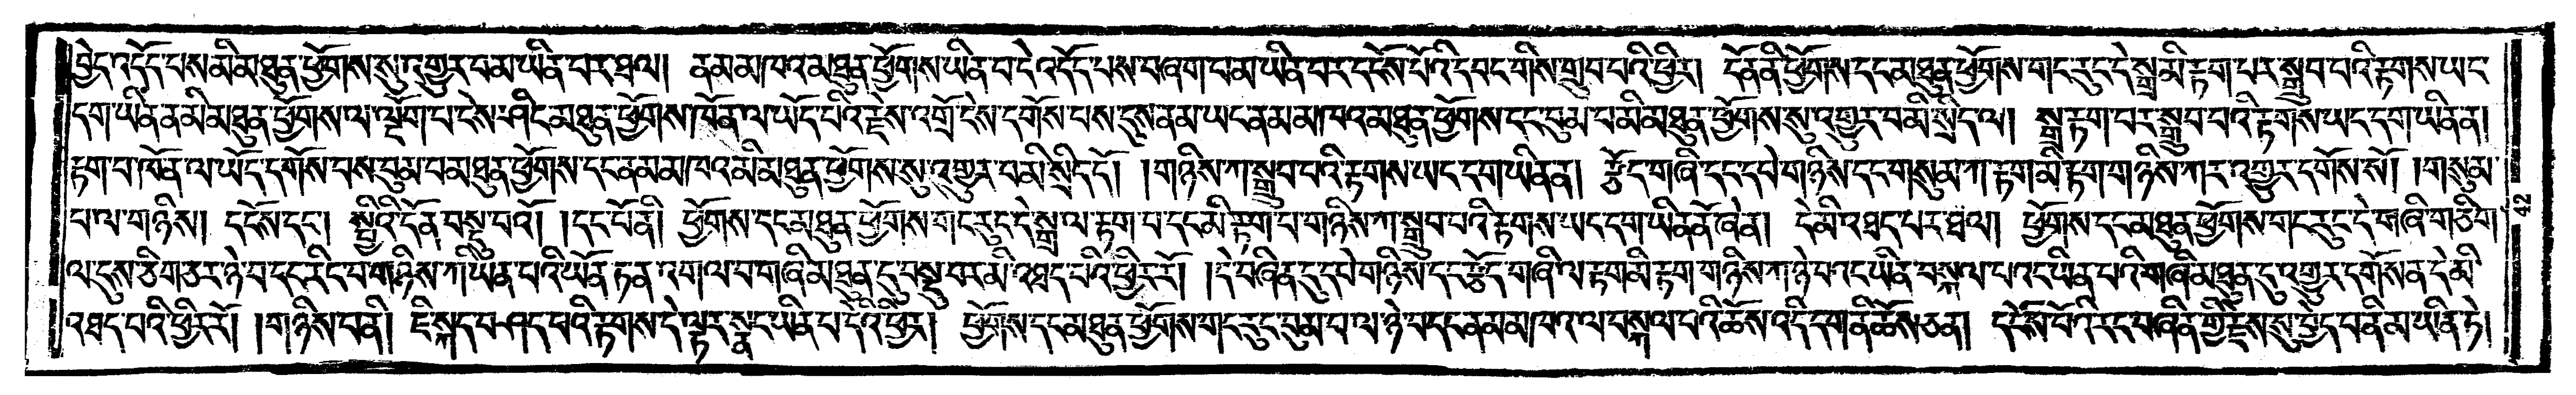བྱེད་འདོད་པས་མི་མཐུན་ཕྱོགས་སུ་འགྱུར་བ་མ་ཡིན་པར་ཐལ། ནམ་མཁའ་མཐུན་ཕྱོགས་ཡིན་པ་དེ་འདོད་པས་བཞག་པ་མ་ཡིན་པར་དངོས་བོའི་དབང་གིས་གྲུབ་པའི་ཕྱིར། དོན་ནི་ཕྱོགས་དང་མཐུན་ཕྱོགས་གང་རུང་དེ་སྒྲ་མི་རྟག་པར་སྒྲུབ་པའི་རྟགས་ཡང་
དག་ཡིན་ན་མི་མཐུན་ཕྱོགས་ལ་ལྡོག་པ་ངེས་ཤིང་མཐུན་ཕྱོགས་ཁོ་ན་ལ་ཡོད་པའི་རྗེས་འགྲོ་ངེས་དགོས་པས་དུས་ནམ་ཡང་ནམ་མཁའ་མཐུན་ཕྱོགས་དང་བུམ་པ་མི་མཐུན་ཕྱོགས་སུ་འགྱུར་བ་མི་སྲིད་ལ། སྒྲ་རྟག་པར་སྒྲུབ་པའི་རྟག་ཡང་དག་ཡིན་ན།
རྟག་པ་ཁོ་ན་ལ་ཡོད་དགོས་པས་བུམ་པ་མཐུན་ཕྱོགས་དང་ནམ་མཁའ་མི་མཐུན་ཕྱོགས་སུ་འགྱུར་བ་མི་སྲིད་དོ། །གཉིས་ཀ་སྒྲུབ་པའི་རྟགས་ཡང་དག་ཡིན་ན། རྩོད་གཞི་དང་དཔེ་གཉིས་དང་གསུམ་ཀ་རྟག་མི་རྟག་གཉིས་ཀར་འགྱུར་དགོས་སོ། །གསུམ་
པ་ལ་གཉིས། དངོས་དང་། སྤྱིའི་དོན་བསྡུ་པའོ། །དང་པོ་ནི། ཕྱོགས་དང་མཐུན་ཕྱོགས་གང་རུང་དེ་སྒྲ་ལ་རྟག་པ་དང་མི་རྟག་པ་གཉིས་ཀ་སྒྲུབ་པའི་རྟགས་ཡང་དག་ཡིན་ནོ་ཞེ་ན། དེ་མི་འཐད་པར་ཐལ། ཕྱོགས་དང་མཐུན་ཕྱོགས་གང་རུང་དེ་གཞི་གཅིག་
ལ་དུས་ཅིག་ཅར་ཉེ་བ་དང་རིང་བ་གཉིས་ཀ་ཡིན་པའི་ཡོན་ཏན་འགལ་བ་གཞི་མཐུན་དུ་བསྡུ་བར་མི་འཐད་པའི་ཕྱིར་རོ། །དེ་བཞིན་དུ་དཔེ་གཉིས་དང་རྩོད་གཞི་ལ་རྟག་མི་རྟག་གཉིས་ཀ་ཉེ་བའང་ཡིན་བསྐལ་པའང་ཡིན་པའི་གཞི་མཐུན་དུ་འགྱུར་དགོས་ན་དེ་མི་
འཐད་པའི་ཕྱིར་རོ། །གཉིས་པ་ནི། ཇི་སྐད་བཤད་པའི་རྟགས་དེ་ལྟར་སྣང་ཡིན་པ་དེའི་ཕྱིར། ཕྱོགས་དང་མཐུན་ཕྱོགས་གང་རུང་བུམ་པ་ལ་ཉེ་བ་དང་ནམ་མཁའ་ལ་བསྐལ་པའི་ཆོས་འདི་དག་ནི་ཆོས་ཅན། དངོས་པོའི་རང་བཞིན་གྱི་རྗེས་སུ་བྱེད་པ་ནི་མ་ཡིན་ཏེ།